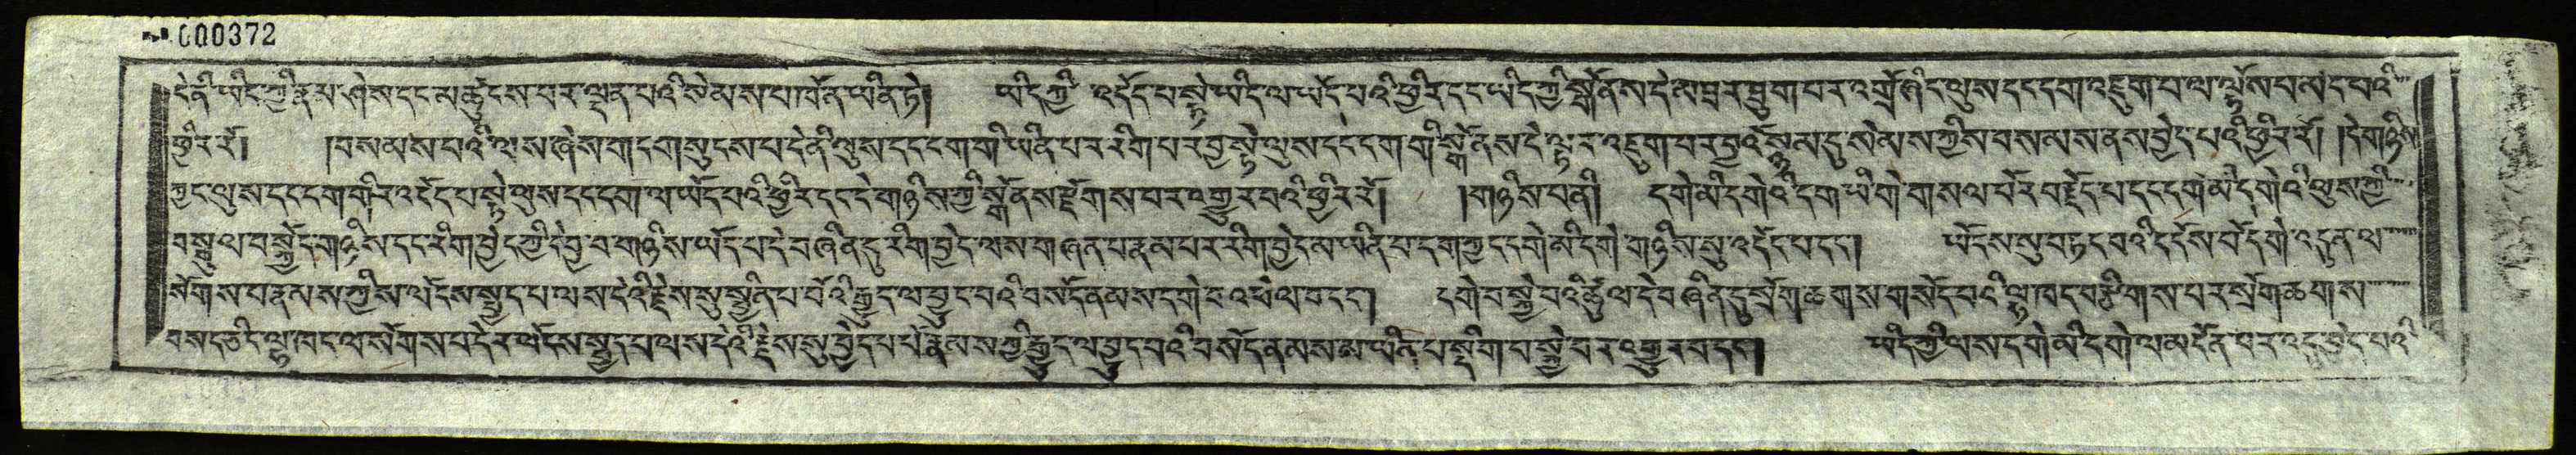དེ་ནི་ཡིད་ཀྱི་རྣམ་ཤེས་དང་མཚུངས་པར་ལྡན་པའི་སེམས་པ་ཁོ་ན་ཡིན་ཏེ། ཡིད་ཀྱི་འདོད་པ་སྟེ་ཡིད་ལ་ཡོད་པའི་ཕྱིར་དང་ཡིད་ཀྱི་སྒོ་ནས་དེ་མཐར་ཐུག་པར་འགྲོ་ཞིང་ལུས་དང་དག་འཇུག་པ་ལ་ལྟོས་པ་མེད་པའི་
ཕྱིར་རོ། །བསམས་པའི་ལས་ཞེས་གང་གསུངས་པ་དེ་ནི་ལུས་དང་ངག་གི་ཡིན་པར་རིག་པར་བྱ་སྟེ་ལུས་དང་ངག་གི་སྒོ་ནས་དེ་ལྟར་འཇུག་པར་བྱའོ་སྙམ་དུ་སེམས་ཀྱིས་བསམས་ནས་བྱེད་པའི་ཕྱིར་རོ། །དེ་གཉིས་
ཀྱང་ལུས་དང་ངག་གིར་འདོད་པ་སྟེ་ལུས་དང་ངག་ལ་ཡོད་པའི་ཕྱིར་དང་དེ་གཉིས་ཀྱི་སྒོ་ནས་རྫོགས་པར་འགྱུར་བའི་ཕྱིར་རོ། །གཉིས་པ་ནི། དགེ་མི་དགེའི་དག་ཡི་གེ་གསལ་པོར་བརྗོད་པ་དང་དགེ་མི་དགེའི་ལུས་ཀྱི་
བསྒུལ་བསྐྱོད་གཉིས་དང་རིག་བྱེད་ཀྱི་དབྱེ་བ་གཉིས་ཡོད་པ་དེ་བཞིན་དུ་རིག་བྱེད་ལས་གཞན་པ་རྣམ་པར་རིག་བྱེད་མ་ཡིན་པ་དག་ཀྱང་དགེ་མི་དགེ་གཉིས་སུ་འདོད་པ་དང་། ཡོངས་སུ་བཏང་བའི་དངོས་པོ་དགེ་འདུན་ལ་
སོགས་པ་རྣམས་ཀྱིས་ལོངས་སྤྱད་པ་ལས་དེའི་རྗེས་སུ་སྦྱིན་པ་པོའི་རྒྱུད་ལ་བྱུང་པའི་བསོད་ནམས་དགེ་བ་འཕེལ་བ་དང་། དགེ་བ་སྐྱེ་བའི་ཚུལ་དེ་བཞིན་དུ་སྲོག་ཆགས་གསོད་པའི་ལྷ་ཁང་བརྩིགས་པར་སྲོག་ཆགས་
བསད་ཅིང་ལྷ་ཁང་ལ་སོགས་པ་དེར་ལོངས་སྤྱད་པ་ལས་དེའི་རྗེས་སུ་བྱེད་པ་པོ་རྣམས་ཀྱི་རྒྱུད་ལ་བྱུང་བའི་བསོད་ནམས་མ་ཡིན་པ་སྡིག་པ་སྐྱེ་བར་འགྱུར་བ་དང་། ཡིད་ཀྱི་ལས་དགེ་མི་དགེ་ལ་མངོན་པར་འདུ་བྱེད་པའི་